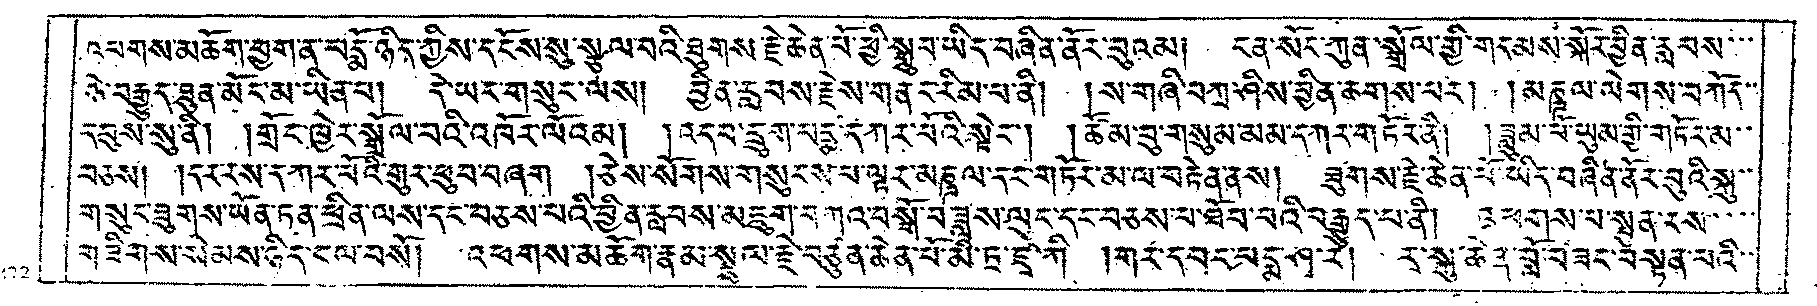འཕགས་མཆོག་ཕྱག་ན་པདམོ་ཉིད་ཀྱིས་དངོས་སུ་སྩལ་བའི་ཐུགས་རྗེ་ཆེན་པོ་ཕྱི་སྒྲུབ་ཡིད་བཞིན་ནོར་བུའམ། ངན་སོང་ཀུན་སྒྲོལ་གྱི་གདམས་སྐོར་བྱིན་རླབས་
ཉེ་བརྒྱུད་ཐུན་མོང་མ་ཡིན་པ། དེ་ཡང་གསུངས་ལས། བྱིན་རླབས་རྗེས་གནང་རིམ་པ་ནི། །ས་བཞི་བཀྲ་ཤིས་བྱིན་ཆགས་པར། །མཎྜལ་ལེགས་བཀོད་
དབུས་སུ་ནི། །གྲོང་ཁྱེར་སྒྲོལ་བའི་འཁོར་ལོའམ། །འདབ་དྲུག་པདམ་དཀར་པོའི་སྟེང་། །ཚོམ་བུ་གསུམ་མམ་དཀར་གཏོར་ནི། །ཟླུམ་པོ་ཡུམ་གྱི་གཏོར་མ་
བཅས། །དར་རས་དཀར་པོའི་གུར་ཕུབ་བཞག །ཅེས་སོགས་གསུངས་པ་ལྟར་མཎྜལ་དང་གཏོར་མ་ལ་བརྟེན་ནས། ཐུགས་རྗེ་ཆེན་པོ་ཡིད་བཞིན་ནོར་བུའི་སྐུ་
གསུང་ཐུགས་ཡོན་ཏན་ཕྲིན་ལས་དང་བཅས་པའི་བྱིན་རླབས་མཇུག་བཀའ་བསྒོ་བཟླས་ལུང་དང་བཅས་པ་ཐོབ་པའི་བརྒྱུད་པ་ནི། འཕགས་པ་སྤྱན་རས་
གཟིགས་སེམས་ཉིད་ངལ་བསོ། འཕགས་མཆོག་རྣམ་སྤྲུལ་རྗེ་བཙུན་ཆེན་པོ་མི་ཏྲ་ཛྭ་ཀི །གར་དབང་པདམ་ཤྭ་ར། རྭ་སྐུ་ཆེན་བློ་བཟང་བསྟན་པའི་